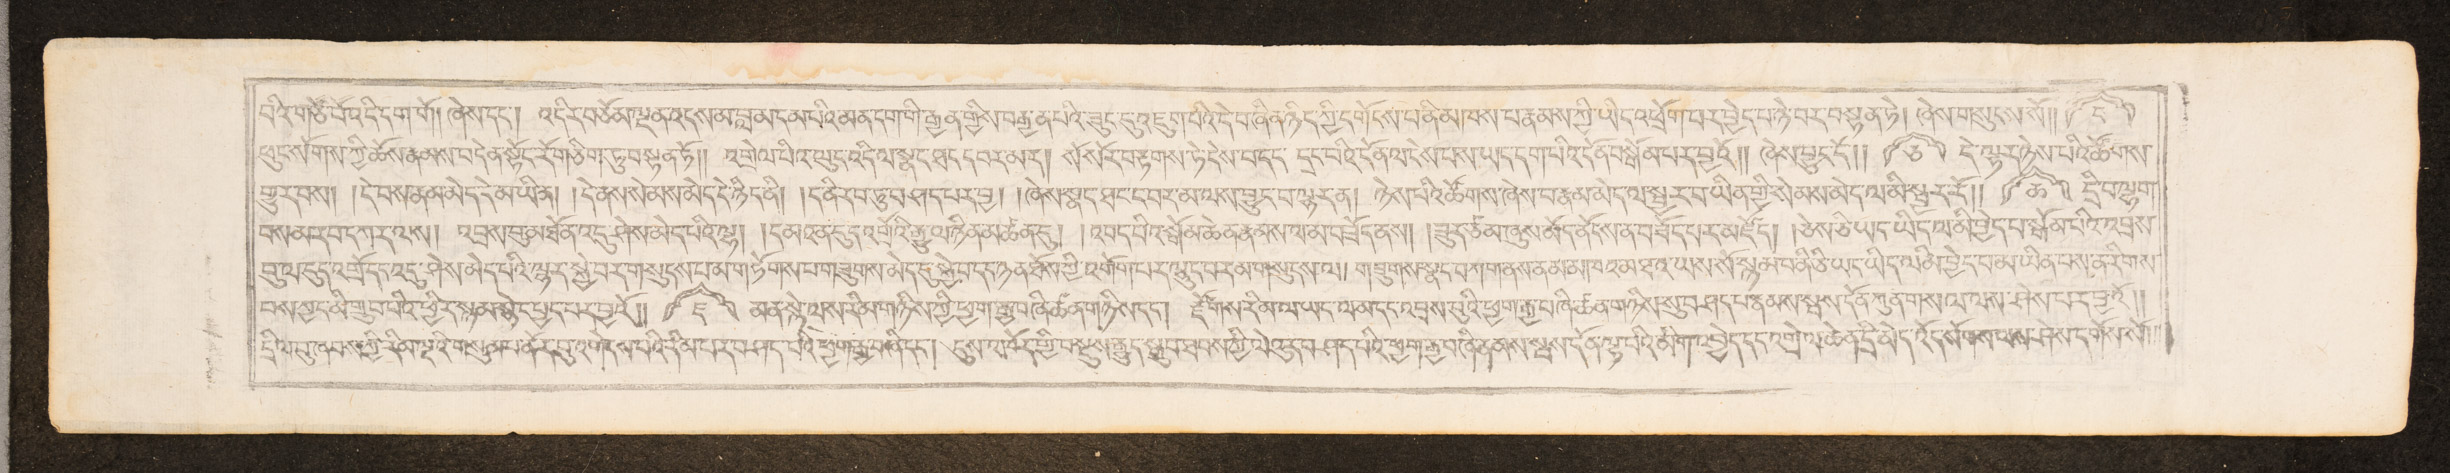བའི་གཙོ་བོ་འདི་དག་གོ། ཞེས་དང་། འདིར་བཅོམ་དླན་འདས་མ་བླ་མ་དམ་པའི་མན་ངག་ཨིག་རྒྱན་གྱིས་བརྒྱ་ན་པའི་ཟང་དུ་འཇུག་པའི་དེ་བཞིན་ཉིད་ཀྱི་དགོངས་པ་ནི་མཁས་པ་རྣམས་ཀྱི་ཡིད་འཕྲོག་པར་བྱེད་པ་ཉེ་བར་བསྟན་ཏེ། ཞེས་གསུངས་སོ།། ༼༽ང༼༽
ཕུང་སོགས་ཀྱི་ཆོས་རྣམས་བདེན་སྟོང་རོ་གཅིག་ཏུ་བསྟན་ཏོ།། འགྲེལ་བའི་ལུང་འདི་ལ་སྣང་ཐད་དབར་མར། སོ་སོར་བརྟགས་ཏེ་ངེས་པ་དད་དྲང་བའི་དོན་ལ་ངེས་པས་ཡང་དག་པའི་དོན་བསྒོམ་པར་བྱའོ།། ཞེས་བྱུང་དོ།། ༼༽ཅ༼༽ དེ་ལྟར་ཉེས་པའི་ཚོགས་
གྱུར་བས། །དེ་བས་རྣམ་མེད་དེ་མ་ཡིན། །དེ་ནས་སེམས་མེད་དེ་ཉིད་ནི། །ད་ནི་རབ་ཏུ་བཤད་པར་བྱ། །ཞེས་སྣར་ཐར་དཔར་མ་ལས་བྱུང་བ་ལྟར་ན། ཉེས་པའི་ཚོགས་ཞེས་པ་རྣམ་མེད་ལ་སྦྱར་བ་ཡིན་གྱི་སེམས་མེད་ལ་མི་སྦྱར་རོ།། ༼༽ཆ༼༽ དྲི་བ་ལྷག་
བསམ་རབ་དཀར་ལས། འབྲས་བུ་མཐོ་ན་འདུ་ཤེས་མེད་པའི་ལྷ། །དམའ་ན་དུད་འགྲོའི་རྒྱུ་ལ་ཉིན་མཚན་དུ། །འབད་པའི་སྒོམ་ཆེན་རྣམས་ལ་མ་བཟོད་ནས། །ཟུར་ཙམ་ཞུས་མོད་ནོངས་ན་བཟོད་པར་མཛོད། །ཅེས་ཅི་ཡང་ཡིད་ལ་མི་བྱེད་པ་སྒོམ་པའི་འབྲས་
བུ་ལ་དུད་འགྲོ་དང་འདུ་ཤེས་མེད་པའི་ལྷར་སྐྱེ་བར་གསུངས་པ་མ་གཏོགས་པ་གཟུགས་མེད་དུ་སྐྱེ་བ་དང་ཉན་ཐོས་ཀྱི་འགོག་པར་ལྷུང་བར་མ་གསུངས་ལ། གཟུགས་སྣང་བཀག་ནས་མཁའ་མཐའ་ཡས་སོ་སྙམ་པ་ནི་ཅི་ཡང་ཡིད་ལ་མི་བྱེད་པ་མ་ཡིན་པས་ན་རིགས་
པས་ཀྱང་མི་གྲུབ་པའི་ཕྱིར་སྙམ་སྟེ་དཔྱད་པར་བྱའོ།། ༼༽ཇ༼༽ མན་སྙེ་ལས་རིམ་གཉས་ཀྱི་ཕྱག་རྒྱ་བཞི་ཚན་གཉིས་དང་། རྫོགས་རིམ་ལ་ཡང་ལམ་དང་འབྲས་བུའི་ཕྱག་རྒྱ་བཞི་ཚན་གཉིས་སུ་བཤད་པར་ནམས་སྦས་དོན་ཀུན་གསལ་ལས་སེཧས་པར་བྱའོ།།
དྲིལ་བུ་ཞབས་ཀྱི་རིམ་ལྔའི་གསུམ་པ་ནོར་བུ་འགེངས་པའི་རིམ་པར་བཤད་པའི་ཕྱག་རྒྱ་བཞི་དང་། དུས་འཁོར་གྱི་བསྡུས་རྒྱུད་སྒྲྦུ་ཐབས་ཀྱི་ལེའུར་བཤད་པའི་ཕྱིར་རྒྱ་བཞིན་མས་སྦས་དོན་ལྷ་བའི་མིག་འབྱེད་དང་འགྲེལ་ཆེན་དྲི་མེད་འོད་སོགས་ལས་ཤེས་དགོས་སོ།།